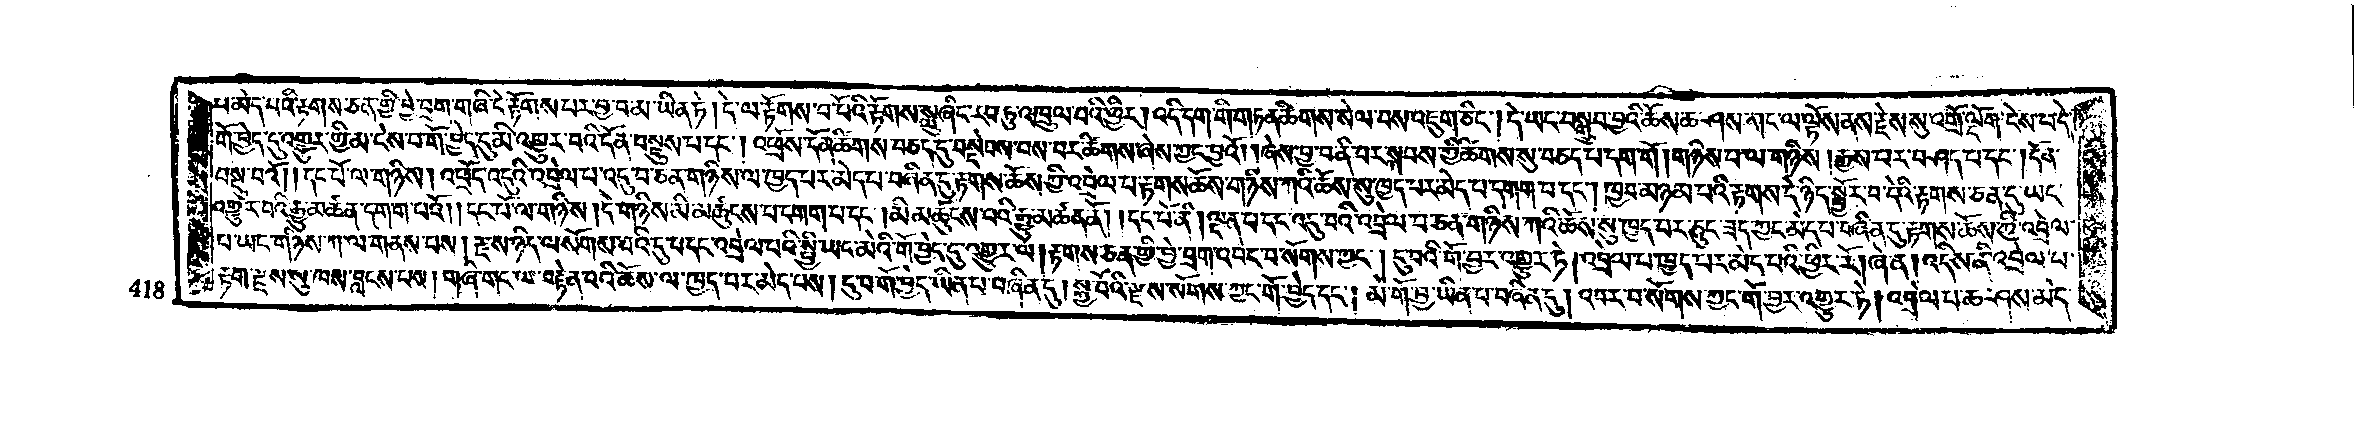པ་མེད་པའི་རྟགས་ཅན་གྱི་བྱ་བྲག་གཞི་དེ་རྟོགས་པར་བྱ་བ་མ་ཡིན་ཏེ། དེ་ལ་རྟོགས་པ་པོའི་རྟོགས་སླུ་ཞིང་རབ་ཏུ་འཁྲུལ་བའི་ཕྱིར། འདི་དག་གི་གཏན་ཚིགས་སེལ་བས་འཇུག་ཅིང་། དེ་ཡང་བསྒྲུབ་བྱའི་ཆོས་ཆ་ཤས་ཀྱང་ལ་ལྟོས་ནས་རྗེས་སུ་འགྲོ་ལྡོག་ངེས་པ་དེ་
གོ་བྱེད་དུ་འགྱུར་གྱི་མ་ངེས་པ་གོ་བྱེད་དུ་མི་འགྱུར་བའི་དོན་བསྡུས་པ་དང་། འཕྲོས་དོན་ཚིགས་བཅད་དུ་བསྡེབས་བས་བར་ཚིགས་ཞེས་ཀྱང་བྱའོ། །ཞེས་བྱ་བ་ནི་བར་སྐབས་ཀྱི་ཚོགས་སུ་བཅད་པ་དག་གོ །གཉིས་པ་ལ་གཉིས། རྒྱས་པར་བཤད་པ་དང་། དོན་
བསྡུ་བའོ། །དང་པོ་ལ་གཉིས། འཕྲོད་དུའི་འབྲེལ་པ་འདུ་བ་ཅན་གཉིས་ལ་ཁྱད་པར་མེད་པ་བཞིན་དུ་རྟགས་ཆོས་ཀྱི་འབྲེལ་པ་རྟགས་ཆོས་གཉིས་ཀའི་ཆོས་སུ་ཁྱད་པར་མེད་པ་དགག་པ་དང་། ཁྱབ་མཉམ་པའི་རྟགས་དེ་ཉིད་སྦྱོར་བ་དེའི་རྟགས་ཅན་དུ་ཡང་
འགྱུར་བའི་རྒྱུ་མཚན་དགག་པའོ། །དང་པོ་ལ་གཉིས། དེ་གཉིས་མི་མཚུངས་པ་དགག་པ་དང་། མི་མཚུངས་པའི་རྒྱུ་མཚན་ནོ། །དང་པོ་ནི། ལྡན་པ་དང་འདུ་བའི་འབྲེལ་པ་ཅན་གཉིས་ཀའི་ཆོས་སུ་ཁྱད་པར་ཅུང་ཟད་ཀྱང་མེད་པ་བཞིན་དུ་རྟགས་ཆོས་ཀྱི་འབྲེལ་
པ་ཡང་གཉིས་ཀ་ལ་གནས་པས། རྫས་ཉིད་ལ་སོགས་པའི་དུ་པ་དང་འབྲེལ་པའི་སྤྱི་ཡང་མེའི་གོ་བྱེད་དུ་འགྱུར་ལ། རྟགས་ཅན་གྱི་བྱེ་བྲག་འབང་བ་སོགས་ཀྱང་། དུ་བའི་གོ་བྱར་འགྱུར་ཏེ། འབྲེལ་པ་ཁྱད་པར་མེད་པའི་ཕྱིར་རོ། །འདིས་ནི་འབྲེལ་པ་
རྟག་རྫས་སུ་ཁས་བླངས་པས། གཞི་གང་ལ་བརྟེན་པའི་ཆོས་ཁྱད་པར་མེད་པས། དུ་བ་གོ་བྱེད་ཡིན་པ་བཞིན་དུ། སྐྱ་བོའི་རྫས་སོགས་ཀྱང་གོ་བྱེད་དང་། མེ་གོ་བྱ་ཡིན་པ་བཞིན་དུ། །འབར་བ་སོགས་ཀྱང་གོ་བྱར་འགྱུར་ཏེ། འབྲེལ་པ་ཆ་ཤས་མེད་